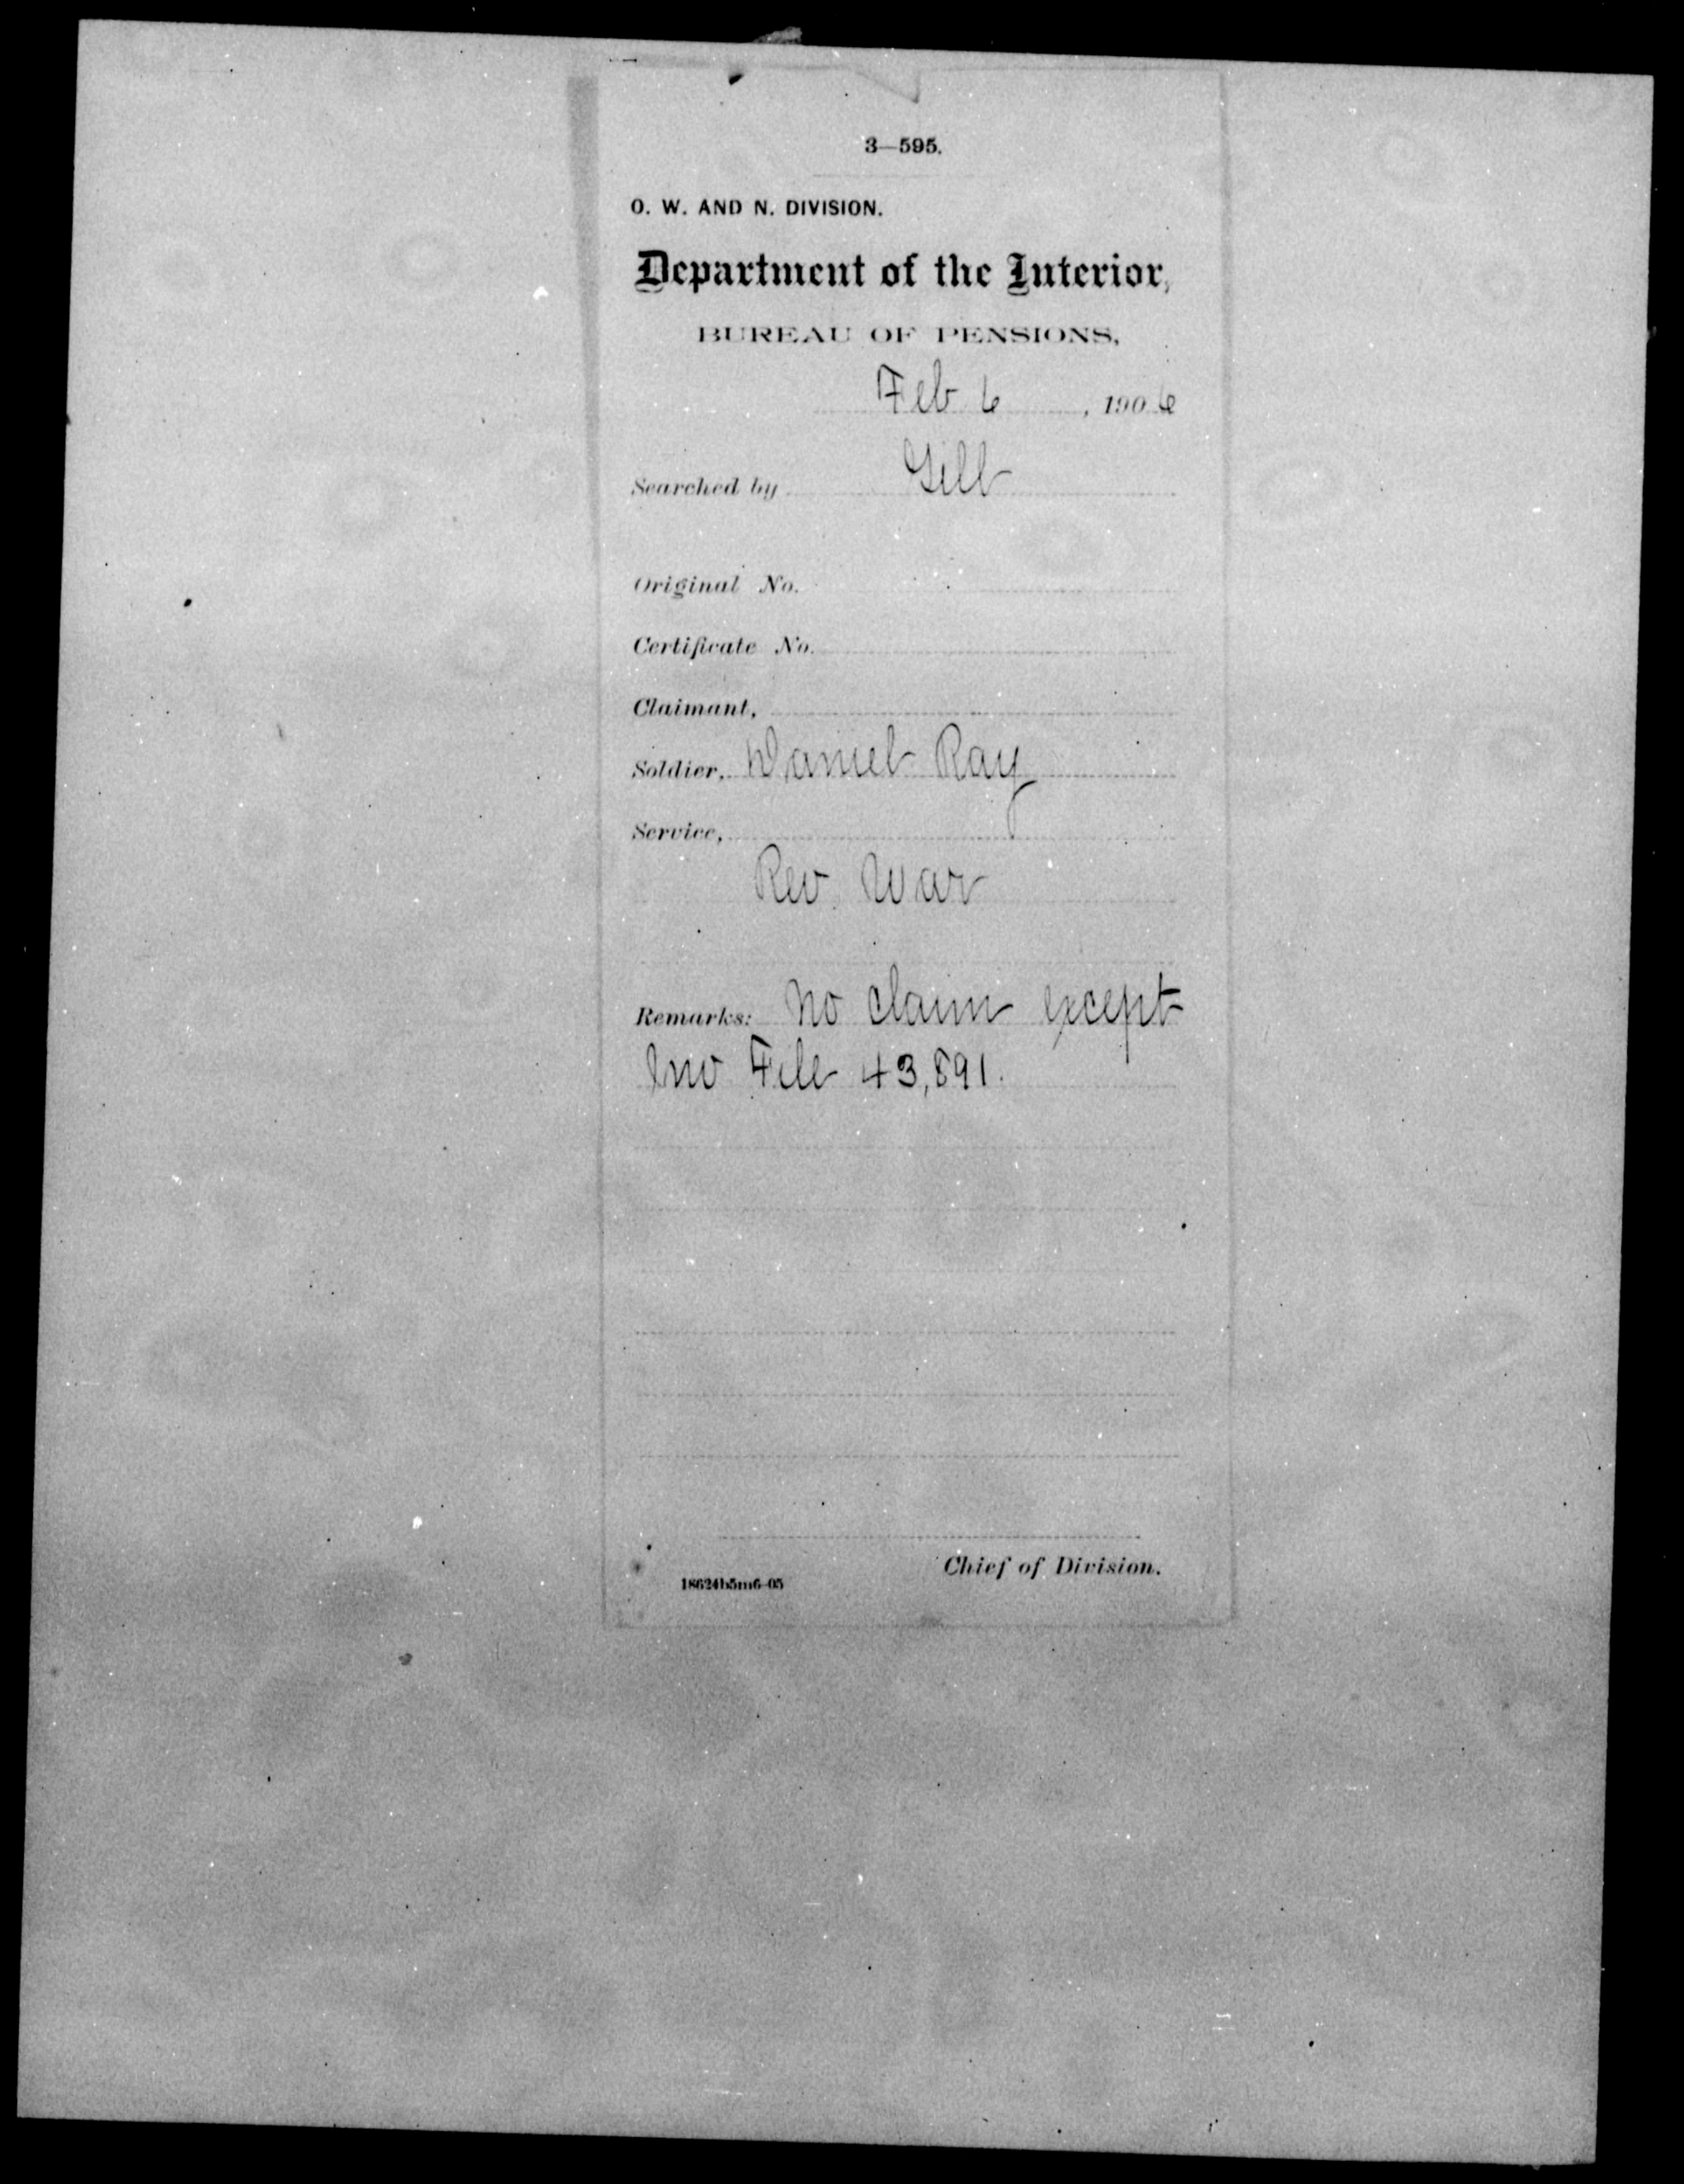3-595.
O. W. AND N. DIVISION
Department of the Interior,
BUREAU OF PENSIONS,
Feb 6, 1902
Searched by Gill
Original No.
Certificate No.
Claimant,
Soldier, Daniel Ray
Service,
Rev. War
Remarks: No claim except lno File 43,891
186241b5m6-0.5   Chief of Division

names: Daniel Ray; [BLANK] Gill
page: 17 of 20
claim: survivor's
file: S. 43891, for Daniel Ray, Connecticut